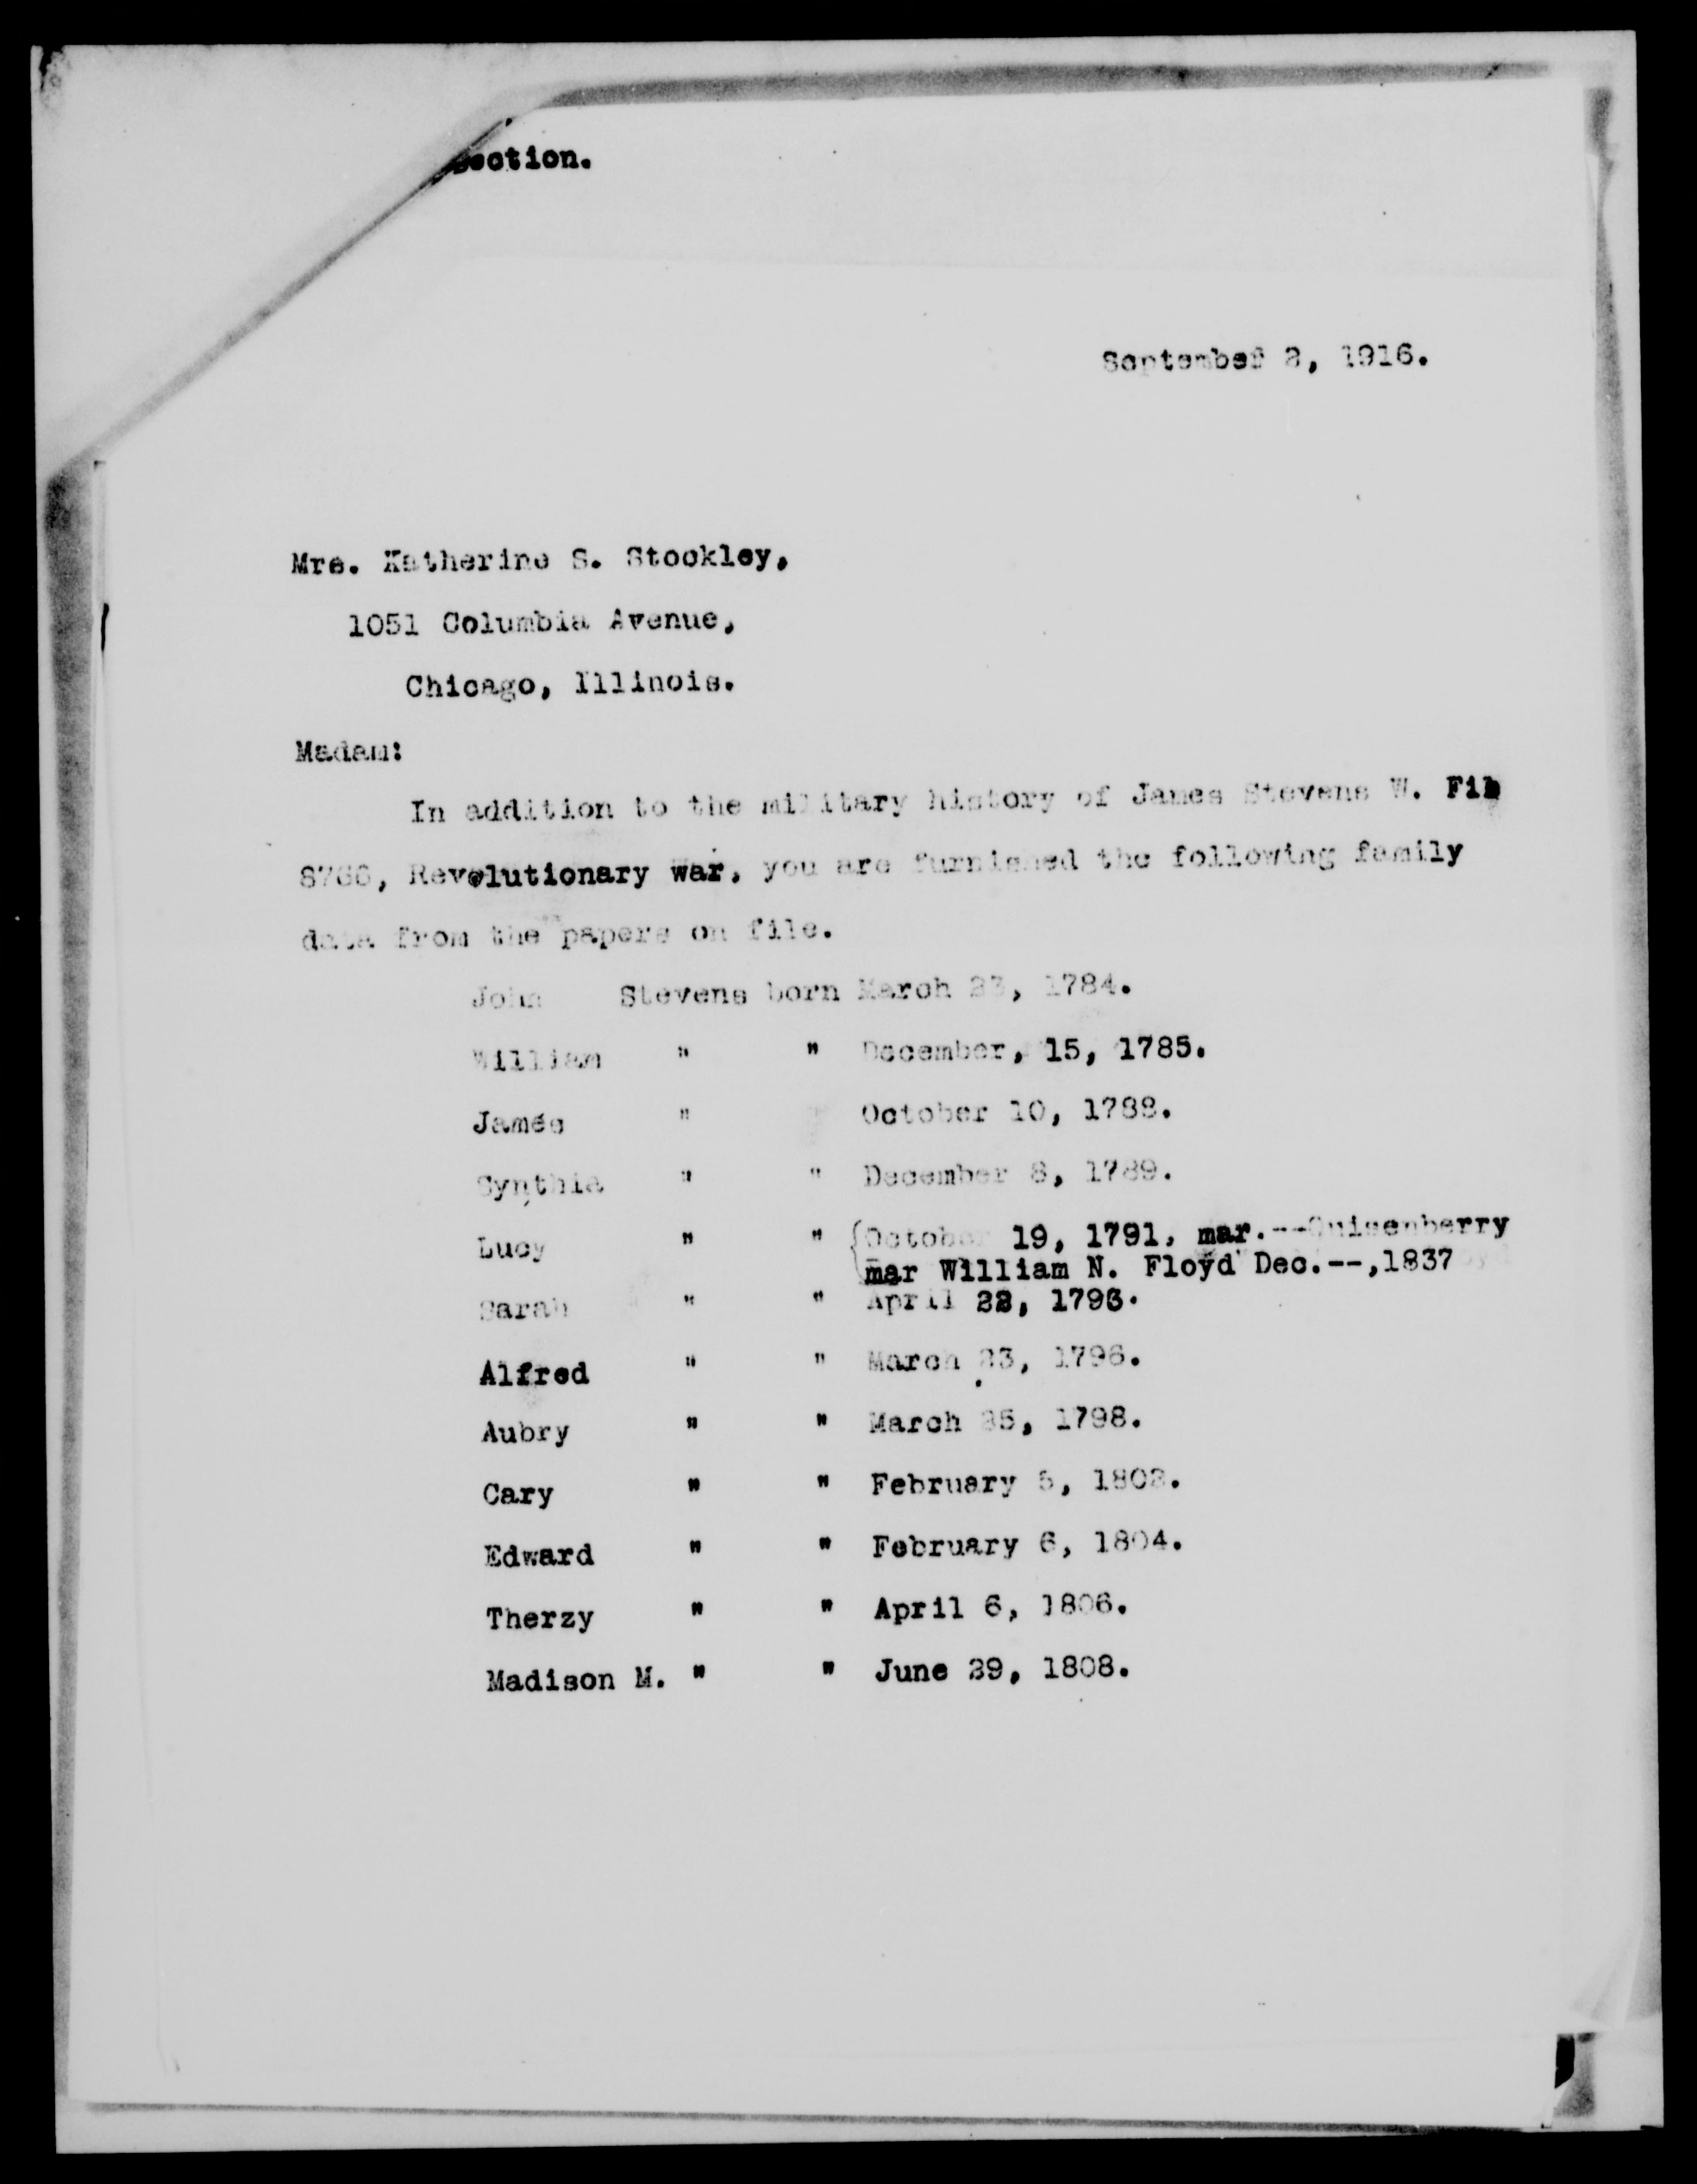...[hidden in page fold] ection.
September 2, 1916. 


Mrs. Katherine S. Stockley, 
1051 Columbia Avenue, 
Chicago, Illinois. 

Madam: 
In addition to the military history of James Stevens W. File 870, Revolutionary war, you are furnished the following family data from the papers on file. 

John Stevens born March 27, 1784.
William " " December 15, 1785.
James " " October 10, 1788.
Cynthia " " December 8, 1789.
Lucy " "  {October 19, 1791, mar. --Quisenberry mar William N. Floyd Dec. --, 1837
Sara " " April 22, 1793.
Alfred " " March 23, 1796.
Aubry " " March 25, 1798.
Cary " " February 5, 1802.
Edward " " February 6, 1804.
Therzy " " April 6, 1806.
Madison M. " " June 29, 1808.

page: 32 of 99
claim: widow's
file: W 8766, for James Stevens, Virginia